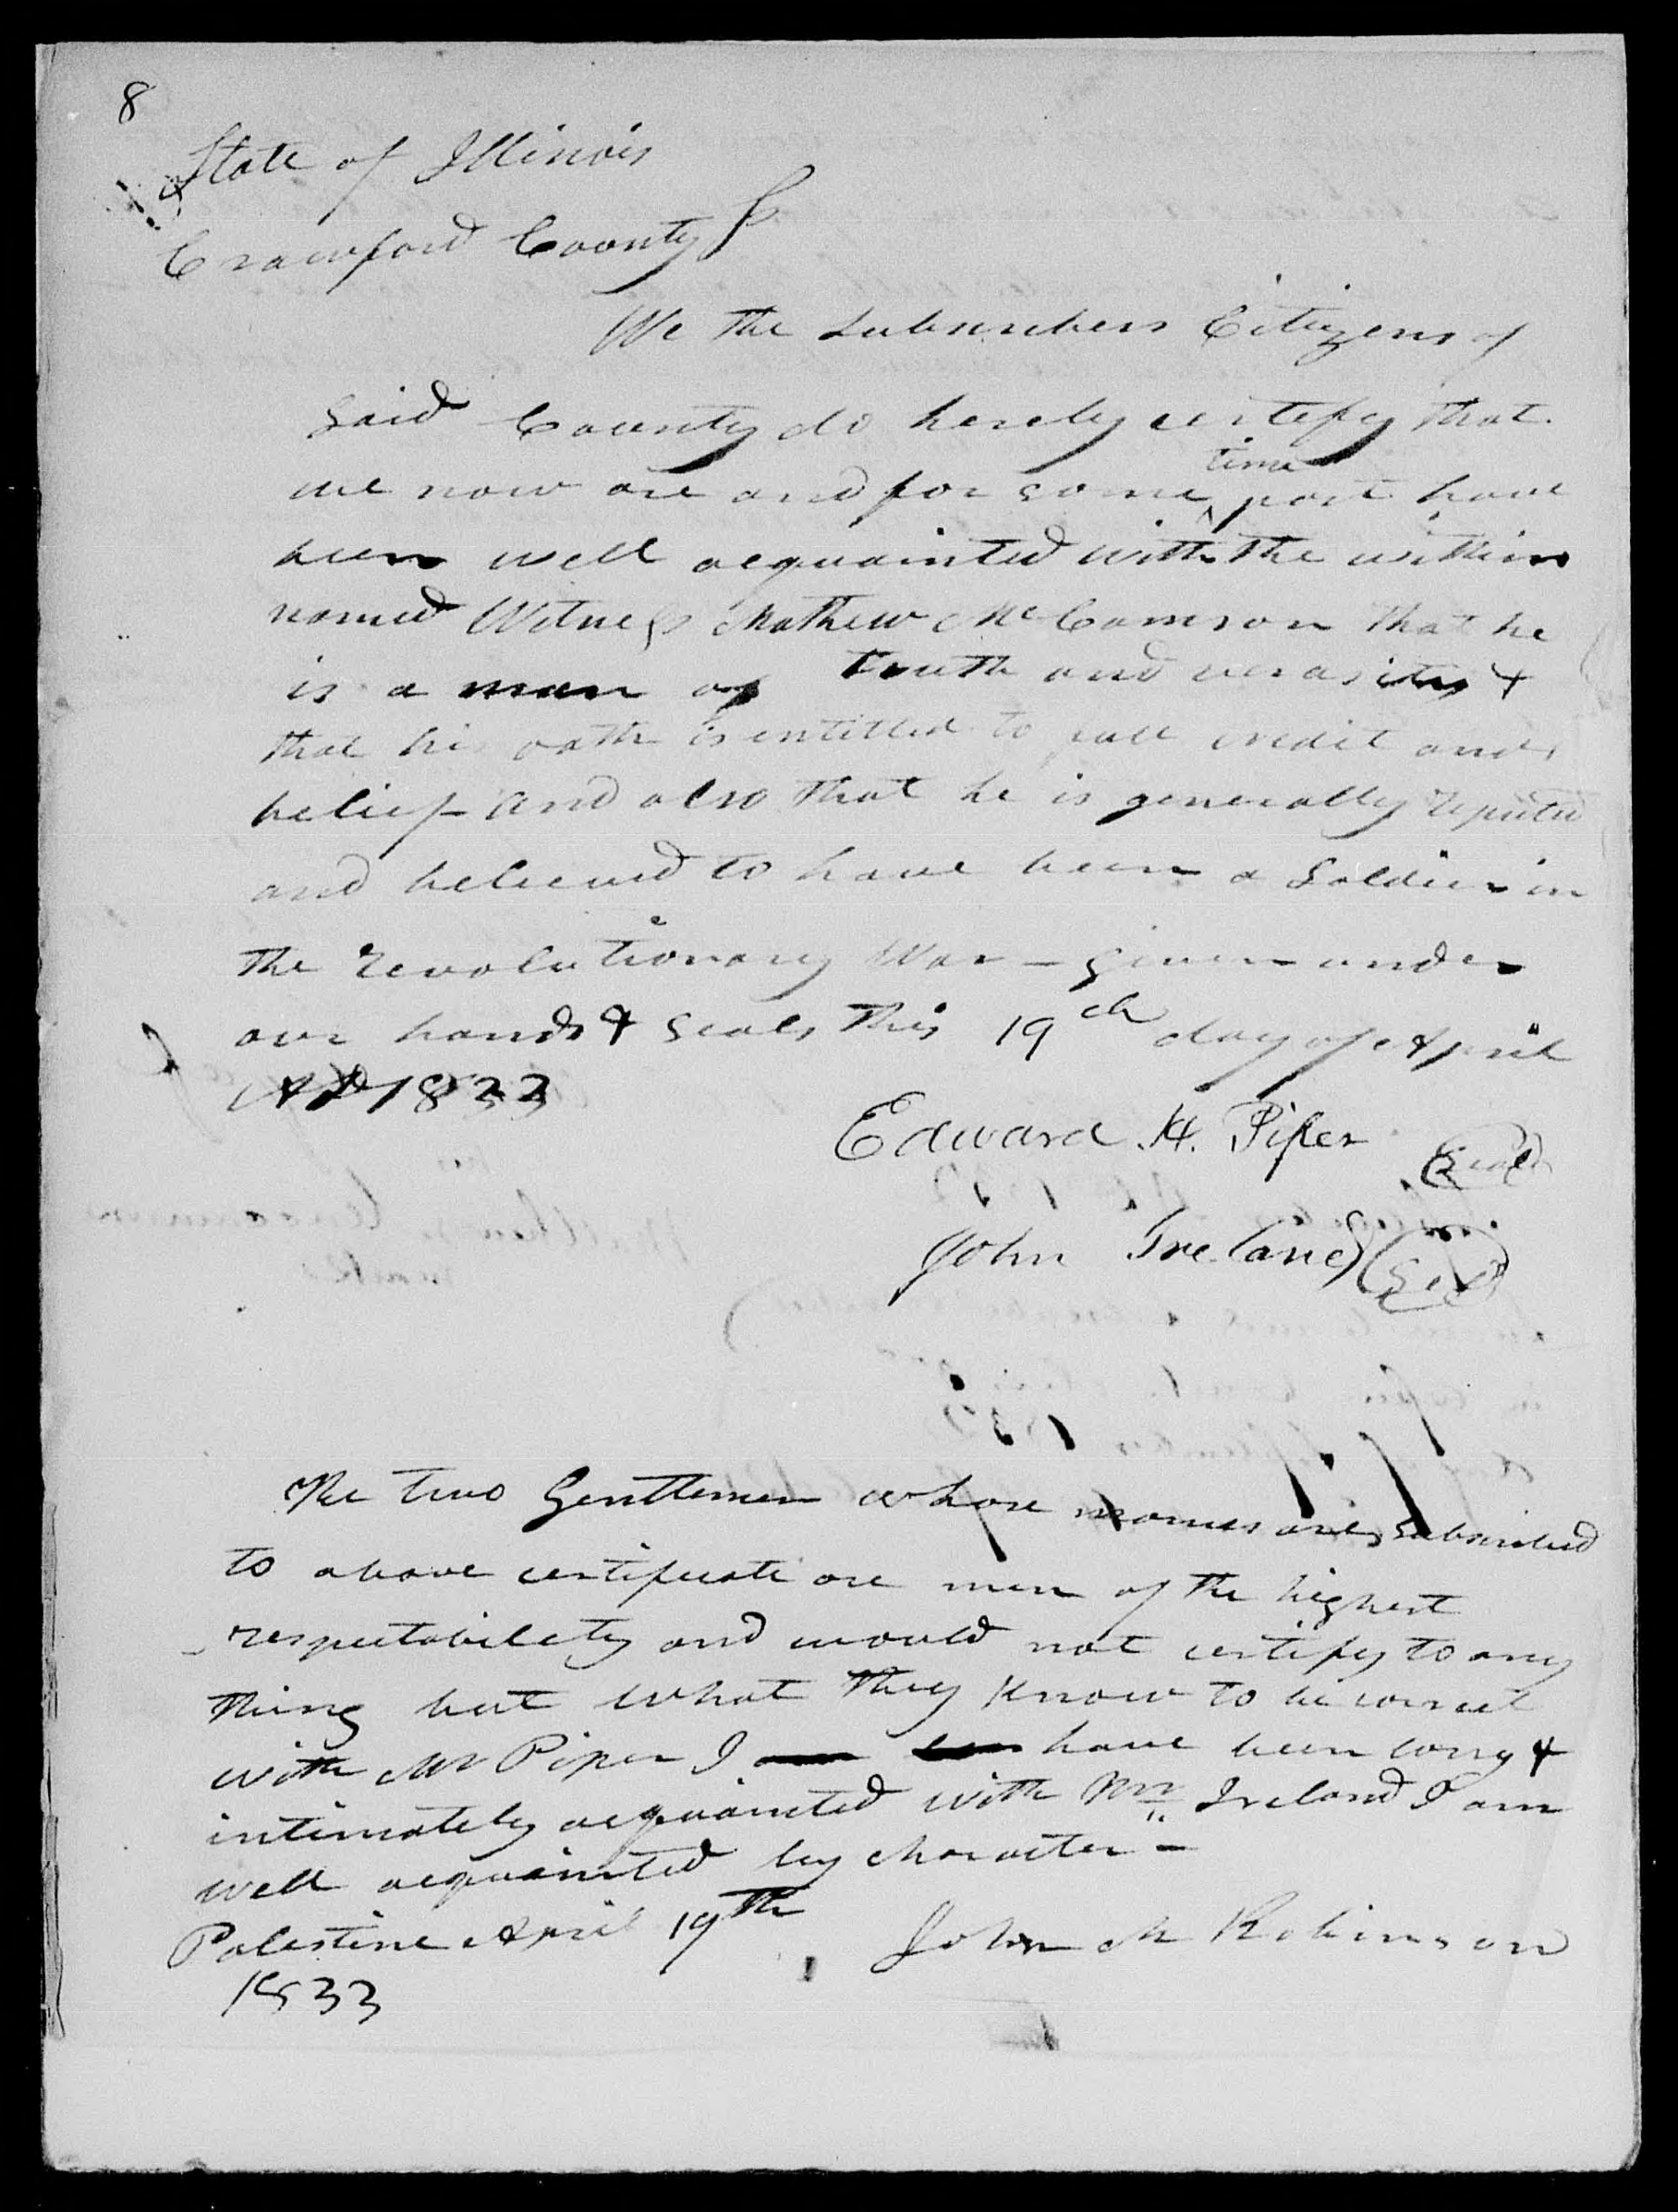8
State of Illinois Crawford County
We the Subscribers citizens of
said County do hereby certify that
we now are and for some time past have been well acquainted with the within named Witness Mathew McCamson that he is a man of
truth and veracity that his Oath is entitled to full credit and belief and also that he is generally reputed
and believed to have been a soldier in
the Revolutionary War - given
under our hands & seal, this 19th day of April AD 1833
s/ Edward H. Piper
John  Ireland
the two gentlemen whose names are noted to above certificate are men of the highest respectability and would not certify to anything but what they know to be correct
with Mr Piper I have been long &
intimately acquainted with Wm Ireland I am well acquainted by character-
Palestine April 19th 1833
s/ John M Robinson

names: John Ireland, Edward H Piper, Piper, John M Robinson, Ireland, Mathew Mc Camron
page: 31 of 44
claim: survivor's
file: S. 31,061, Thomas Gill, S.C.